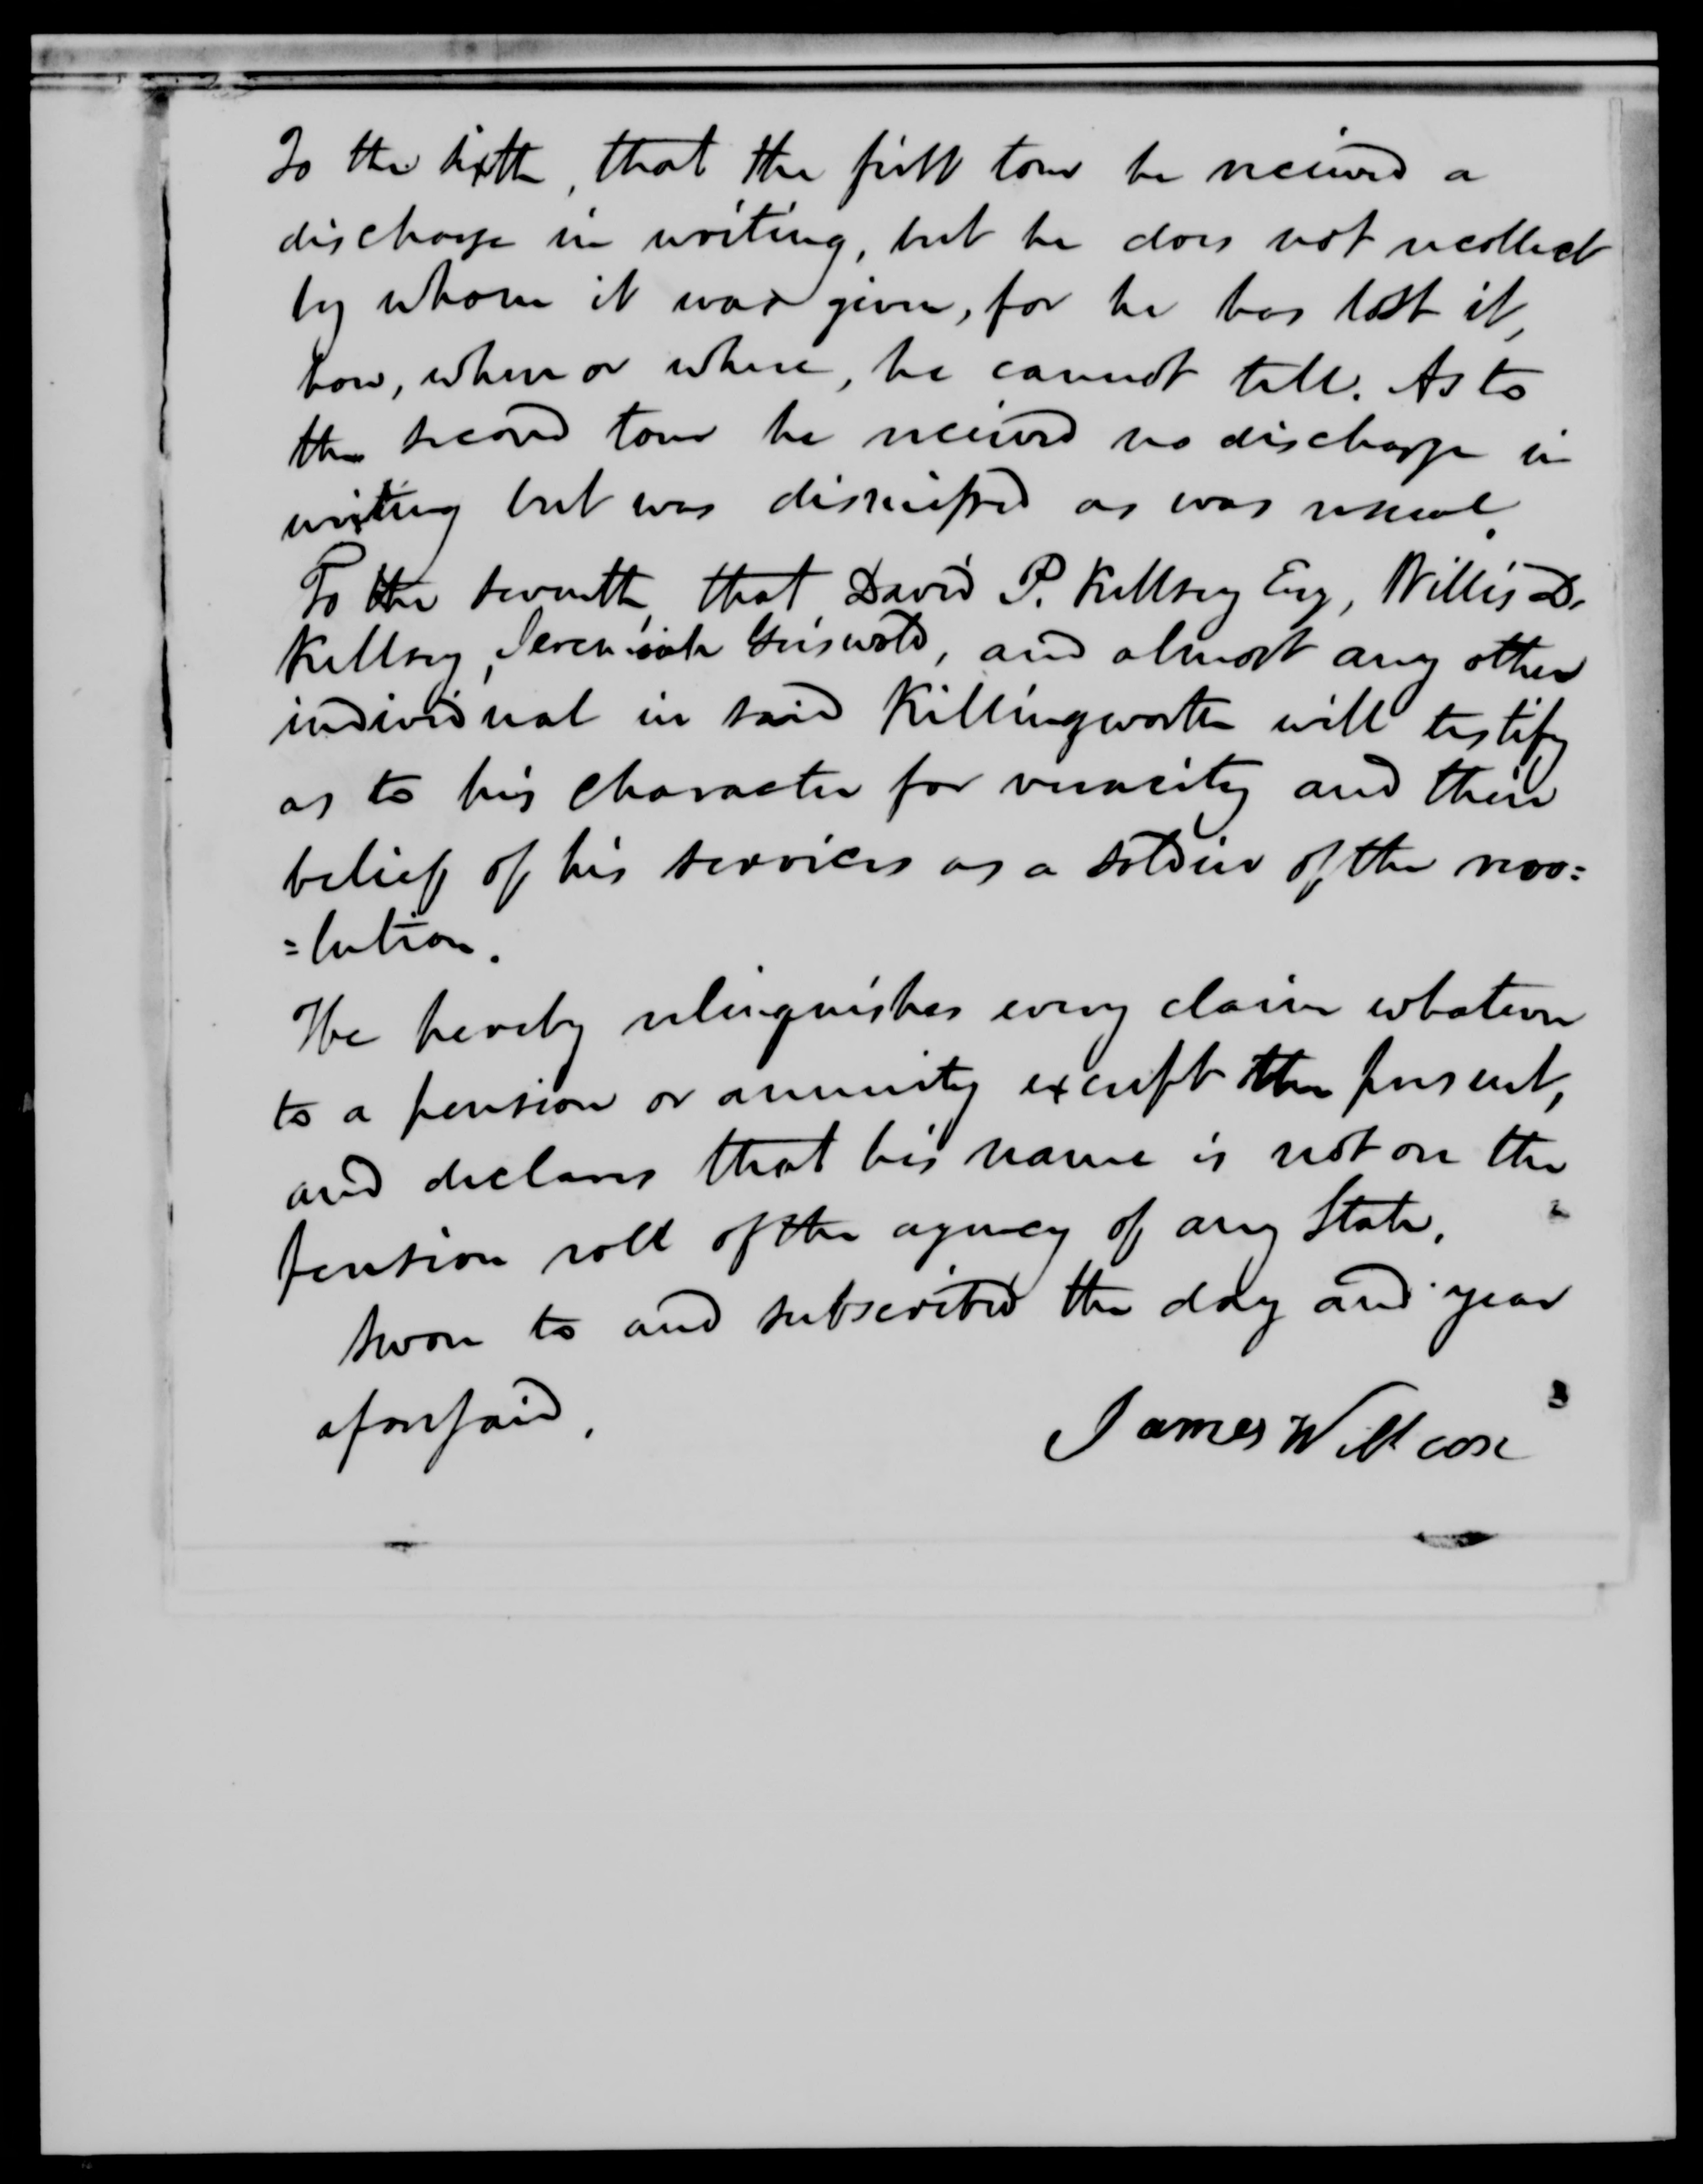To the sixth, that the first town he received a discharge in writing, but he does not recollect by whom it was given, for he has lost it, how, when or where, he cannot tell. As to the second town he received no discharge in writing but was disuisped as was ren?l.
To the seventh, that Davis P. Kellsey Enq, Willis D Kellsey, Jeremiah Griswald, and almost any other individual in said Killingworth will testify as to his character for viracity and their belief of his services as a soldier of the revolution.
He hereby relinquishes every claim whatever to a pension or annuity except the present, and declares that his name is not on the pension roll of the agency of any State.
Sworn to and subscribed the day and year aforesaid.
James Willcox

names: David P Kellsey, James Willcox, Jeremiah Griswold, Willis D Kellsey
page: 20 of 46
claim: widow's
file: W. 18,417, James Willcox, Conn.